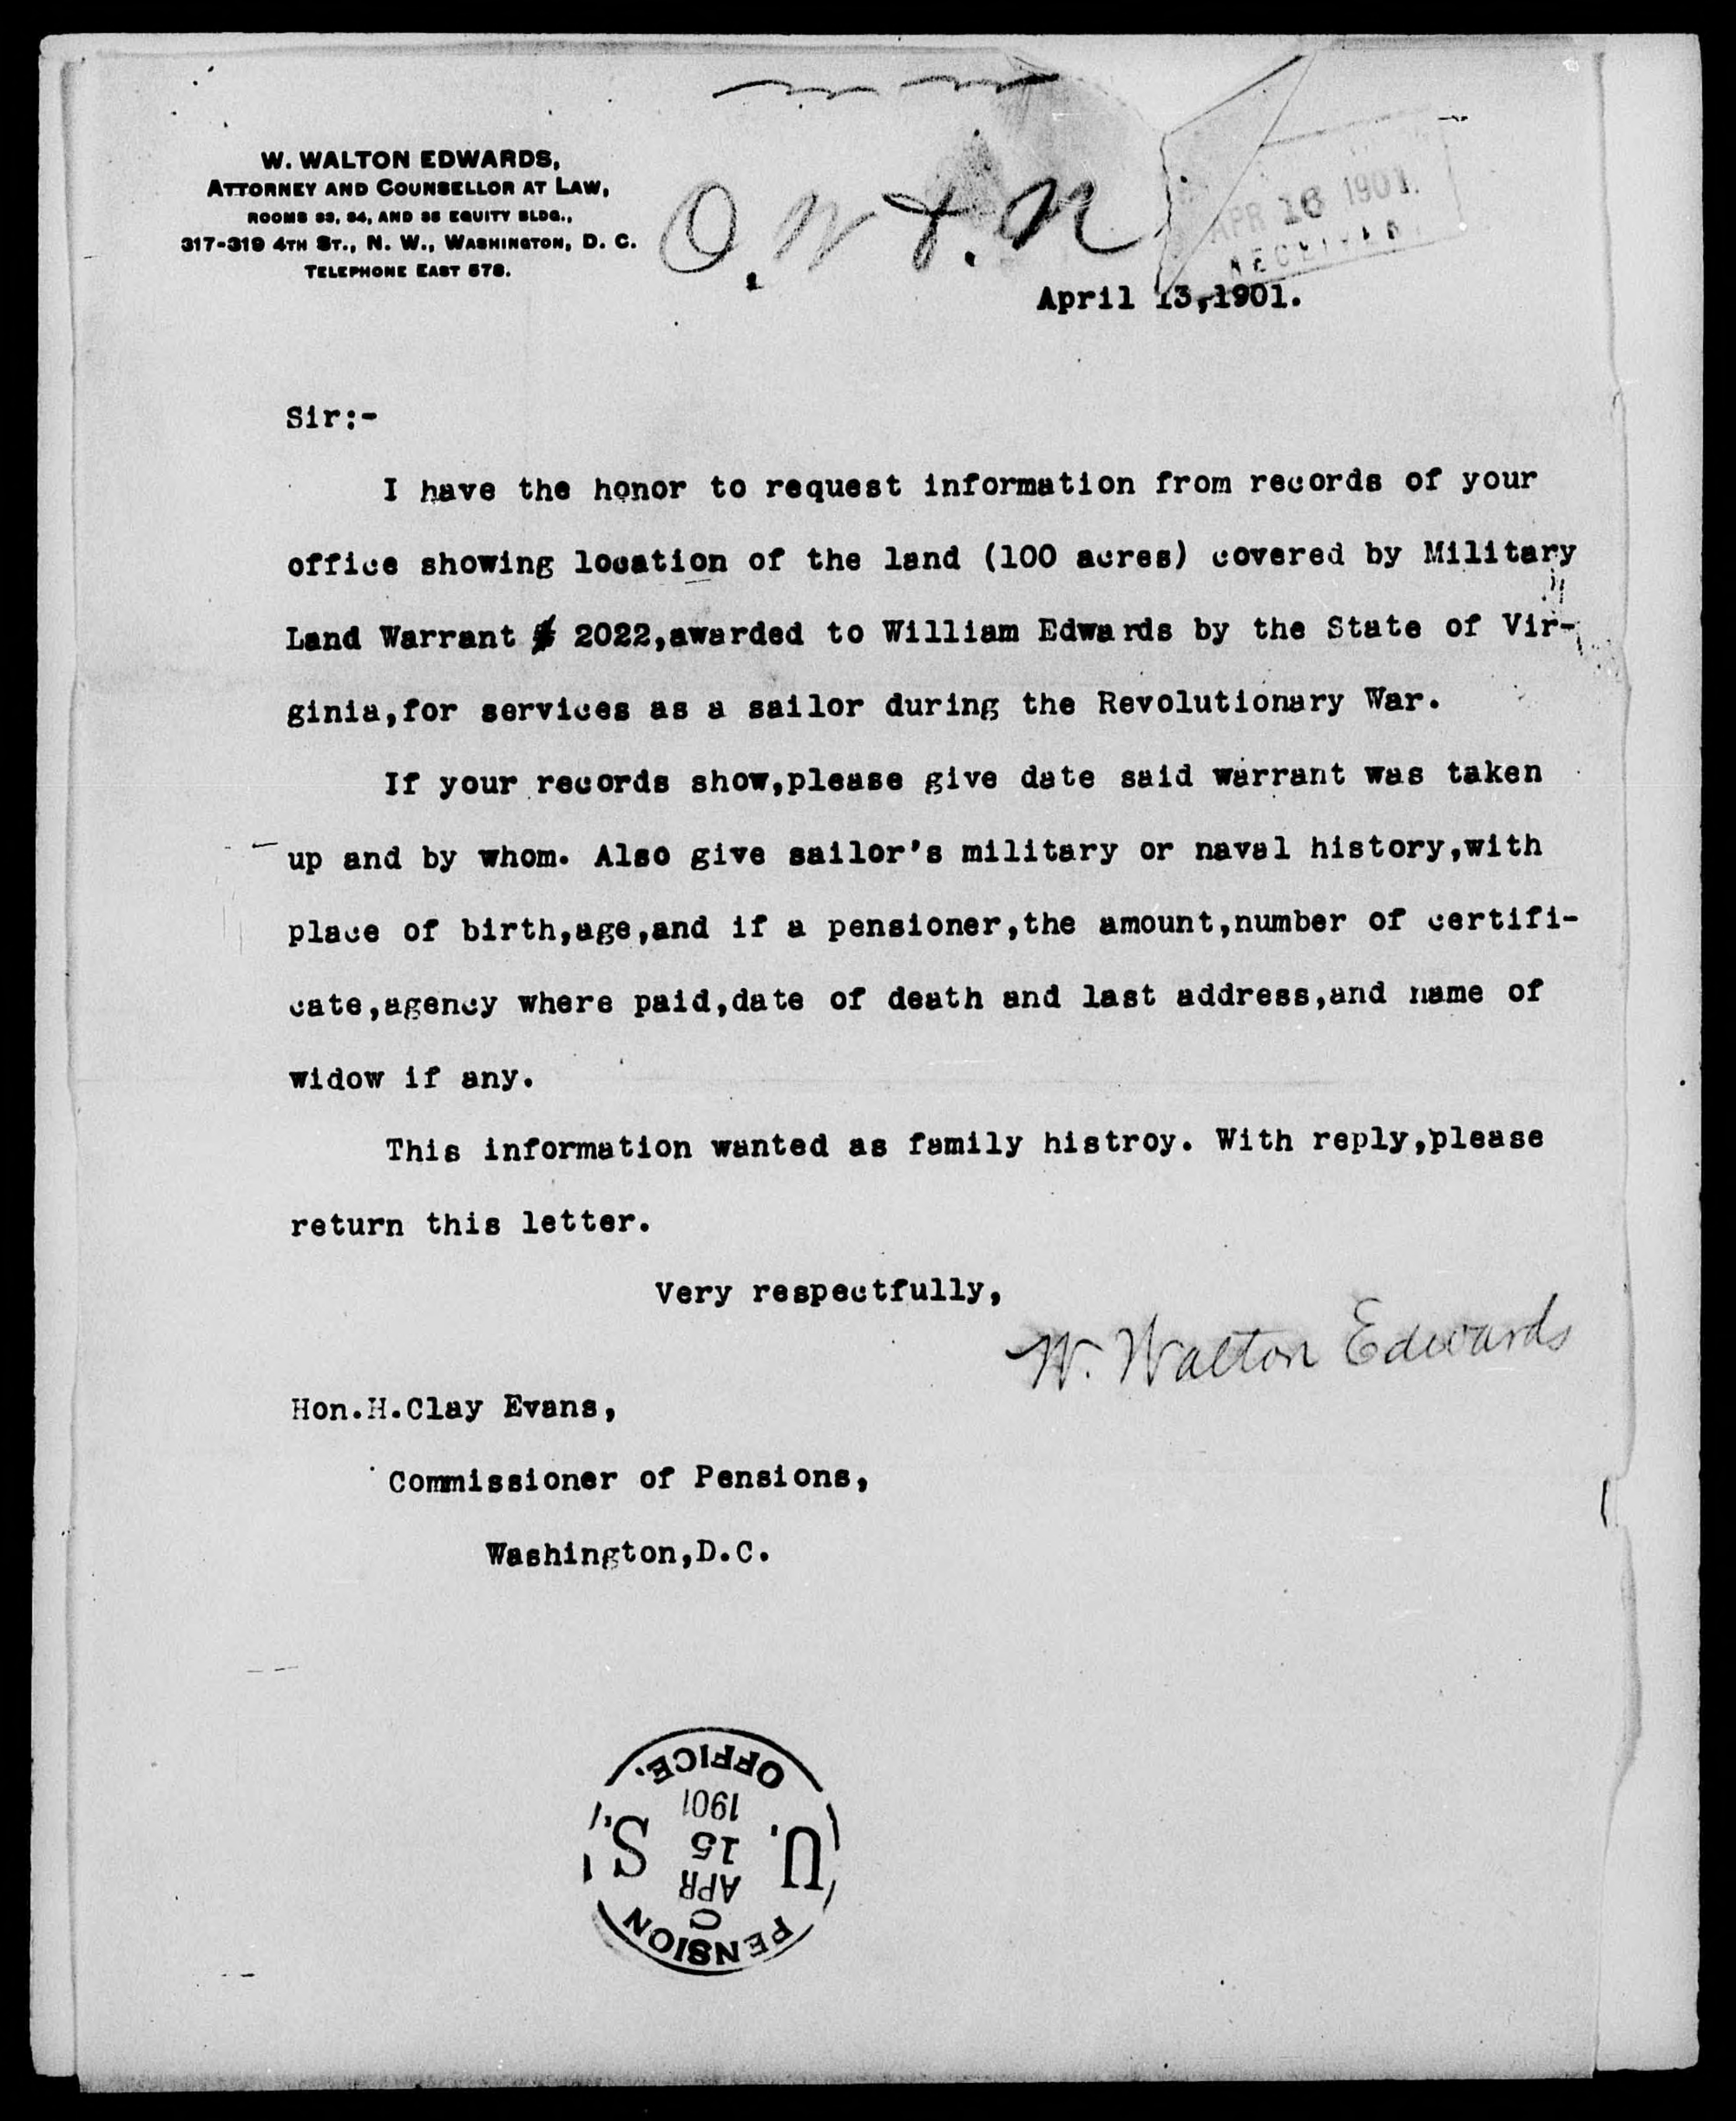W. WALTON EDWARDS,
ATTORNEY AND COUNSELLOR AT LAW,
ROOMS 33, 34, AND 35 EQUITY BLDG.,
317 - 319 4TH ST., N. W., WASHINGTON, D. C.
TELEPHONE EAST 578[?].
O W & N
APR 16 1901 RECEIVED [stamp]
April 13, 1901.
Sir: -
I have the honor to request information from records of your office showing location of the land (100 acres) covered by Military Land Warrant # 2022, awarded to William Edwards by the State of Virginia, for services as a sailor during the Revolutionary War.
If your records show, please give date said warrant was taken up and by whom. Also give sailor's military or naval history, with place of birth, age, and if a pensioner, the amount , number of certificate, agency where paid, date of death and last address, and name of widow if any.
This information wanted as family histroy [history].  With reply, please return this letter.
Very respectfully,
W. Walton Edwards
Hon. H. Clay Evans,
Commissioner of Pensions,
Washington, D.C.
 [Circular stamp inverted] U.S. PENSION OFFICE APR 15 1901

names: W Walton Edwards, William Edwards, H Clay Evans, W Walton Edwards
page: 45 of 47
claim: survivor's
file: S. 3,322, William Edwards, Va.